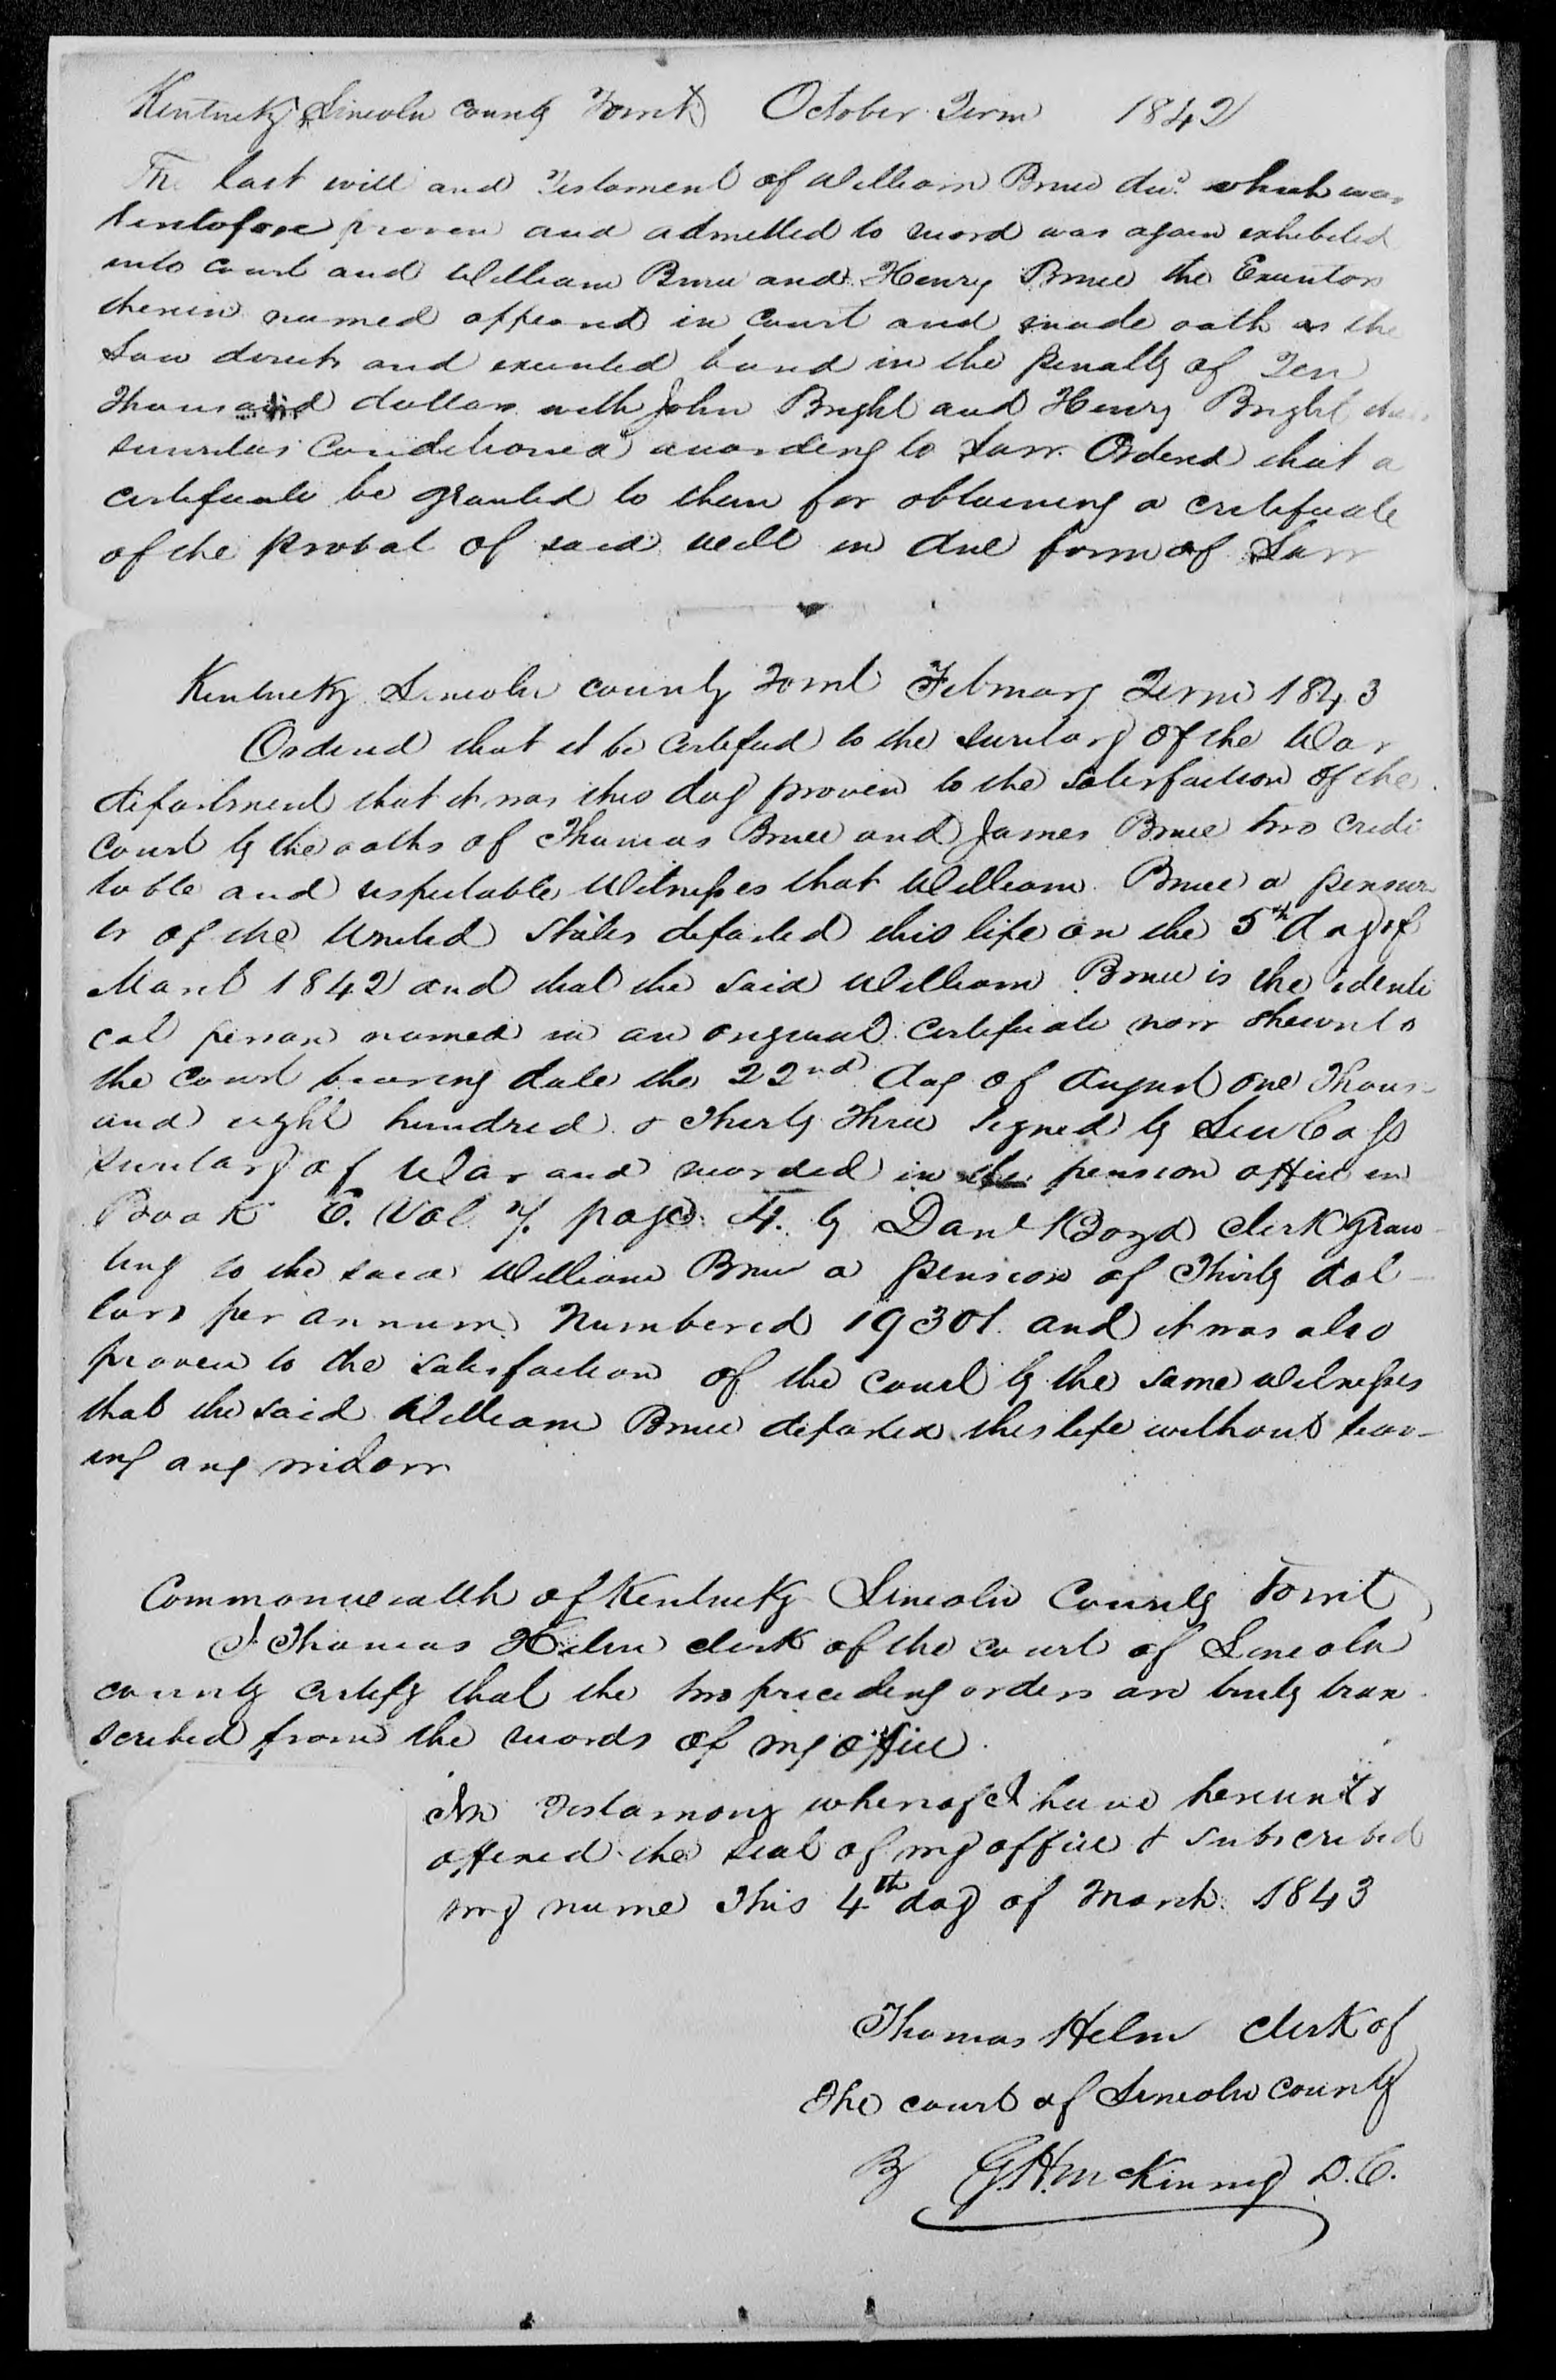Kentucky Lincoln County Towit October Term 1842 

The last will and Testament of William Bruce decd [deceased] which was heretofore proven and admitted to word was again exhibited into Court and William Bruce and Henry Bruce the Executors therein named appeared in Court and made oath as the Law directs and executed bond in the penalty of Ten Thousand dollars with John Bright and Henry Bright decd [deceased] similar correspondence according to Law. Ordered that a certificate be granted to them for obtaining a certificate of the probate of said will in due form of Law. 

Kentucky Lincoln County Towit: February Term 1843 
Ordered that it be certified to the Territory of the War department that it was this day proven to the satisfaction of the Court by the oaths of Thomas Bruce and James Bruce are creditable and respectable Witnesses that William Bruce a pensioner of the United States departed this life on the 5th day of March 1842 and that the said William Bruce is the identical person named in an original Certificate now shown to the Court bearing date the 22nd day of August One Thousand eight hundred & Thirty Three Signed by Lew Cass Secretary of war and recorded in the pension office in Book E. Vol 7 page 4 by Danl Boyd Clerk Granting to the said William Bruce a pension of Thirty dollars per annum. Numbered 19301 and it was also proven to the satisfaction of the court by the same witnesses that the said William Bruce departed this life without having any widow. 

Commonwealth of Kentucky Lincoln County Towit 
I Thomas Helm Clerk of the Court of Lincoln county certify that the two preceding orders are truly transcribed from the words of my office. 

In Testimony whereof I have hereunto affixed the seal of my office & Subscribed my name this 4th day of March 1843 

Thomas Helm Clerk of 
The Court of Lincoln County 
By G. H. McKinney D.C. [Deputy Clerk]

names: Henry Bright, Thomas Helm, Danl Boyd, William Bruce, William Bruce, William Bruce, Thomas Helm, William Bruce, William Bruce, William Bruce, G H Mc Kinny, Thomas Bruce, James Bruce, Henry Bruce, John Bright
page: 12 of 54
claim: survivor's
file: S. 30287, William Bruce, N.C.